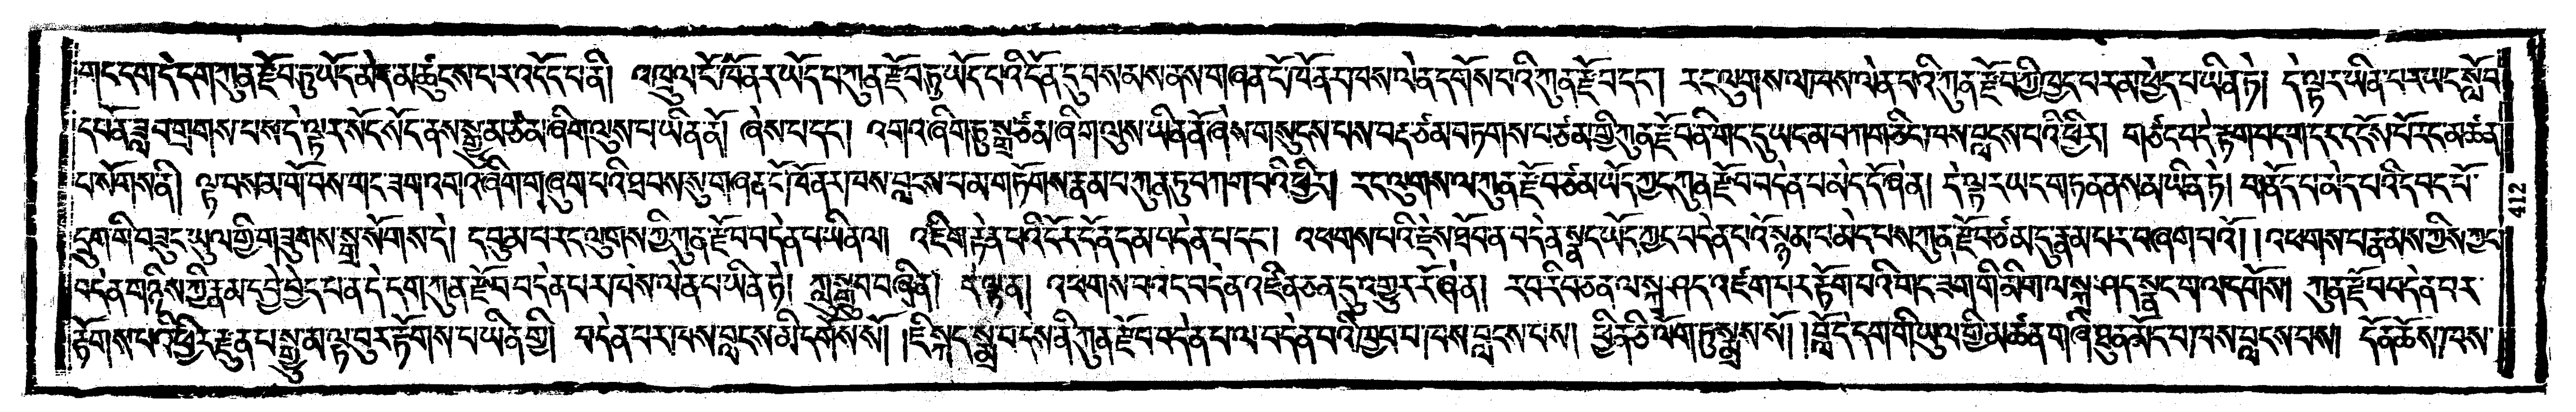གང་དག་དེ་དག་ཀུན་རྫོབ་ཏུ་ཡོད་མེད་མཚུངས་པར་འདོད་པ་ནི། འཁྲུལ་ངོ་ཁོ་ནར་ཡོད་པ་ཀུན་རྫོབ་ཏུ་ཡོད་པའི་དོན་དུ་བསམས་ནས་གཞན་ངོ་ཁོ་ནར་ཁས་ལེན་དགོས་པའི་ཀུན་རྫོབ་དང་། རང་ལུགས་ལ་ཁས་ལེན་པའི་ཀུན་རྫོབ་ཀྱི་ཁྱད་པར་མ་ཕྱེད་པ་ཡིན་ཏེ། དེ་ལྟར་ཡིན་པར་ཡང་སློབ་
དཔོན་ཟླ་བ་གྲགས་པས་དེ་ལྟར་སོང་སོང་ནས་སྒྱུ་མ་ཙམ་ཞིག་ལུས་པ་ཡིན་ནོ། ཞེས་པ་དང་། འགའ་ཞིག་ཏུ་སྒྲ་ཙམ་ཞིག་ལུས་ཡིན་ནོ་ཞེས་གསུངས་པས་བརྡ་ཙམ་བཏགས་པ་ཙམ་གྱི་ཀུན་རྫོབ་ནི་གང་དུ་ཡང་མ་བཀག་ཅིང་ཁས་བླངས་པའི་ཕྱིར། གཙང་བདེ་རྟག་བདག་དང་དངོས་པོ་རང་མཚན་
པ་སོགས་ནི། ལྟ་བས་མགོ་བས་གང་ཟག་འགའ་ཞིག་གཞུག་པའི་ཐབས་སུ་གཞན་ངོ་ཁོ་ནར་ཁས་བླངས་པ་མ་གཏོགས་རྣམ་པ་ཀུན་ཏུ་བཀག་པའི་ཕྱིར། རང་ལུགས་ལ་ཀུན་རྫོབ་ཙམ་ཡོད་ཀྱང་ཀུན་རྫོབ་བདེན་པ་མེད་དོ་ཞེ་ན། དེ་ལྟར་ཡང་གཏན་ནས་མ་ཡིན་ཏེ། གནོད་པ་མེད་པའི་དབང་པོ་
དྲུག་གི་བཟུང་ཡུལ་གྱི་གཟུགས་སྒྲ་སོགས་དེ། དབུ་མ་པ་རང་ལུགས་ཀྱི་ཀུན་རྫོབ་བདེན་པ་ཡིན་ལ། འཇིག་རྟེན་པའི་ངོར་དོན་དམ་བདེན་པ་དང་། འཕགས་པའི་རྗེས་ཐོབ་ན་བདེན་སྣད་ཡོད་ཀྱང་བདེན་པའོ་སྙམ་པ་མེད་པས་ཀུན་རྫོབ་ཙམ་དུ་རྣམ་པར་བཞག་པའོ། །འཕགས་པ་རྣམས་ཀྱིས་ཀྱང་
བདེན་གཉིས་ཀྱི་རྣམ་དབྱེ་བྱེད་པ་ན་དེ་དག་ཀུན་རྫོབ་བདེན་པར་ཁས་ལེན་པ་ཡིན་ཏེ། ཀླུ་སྒྲུབ་བཞིན། དེ་ལྟ་ན། འཕགས་པའང་བདེན་འཛིན་ཅན་དུ་འགྱུར་རོ་ཞེ་ན། རབ་རིབ་ཅན་ལ་སྐྲ་ཤད་འཛག་པར་རྟོག་པའི་གང་ཟག་གི་མིག་ལ་སྐྲ་ཤད་སྣང་ག་ལ་དགོས། ཀུན་རྫོབ་བདེན་པར་
རྟོགས་པའི་ཕྱིར་རྫུན་པ་སྒྱུ་མ་ལྟ་བུར་རྟོགས་པ་ཡིན་གྱི། བདེན་པར་ཁས་བླངས་མི་དགོས་སོ། །ཇི་སྐད་སྨྲ་བ་དེས་ནི་ཀུན་རྫོབ་བདེན་པ་ལ་བདེན་པའི་ཁྱབ་པ་ཁས་བླངས་པས། ཕྱིན་ཅི་ལོག་ཏུ་སྨྲས་སོ། །བློ་དེ་དག་གི་ཡུལ་གྱི་མཚན་གཞི་ཐུན་མོང་པ་ཁས་བླངས་པས། དོན་ཆོས་ཁས་